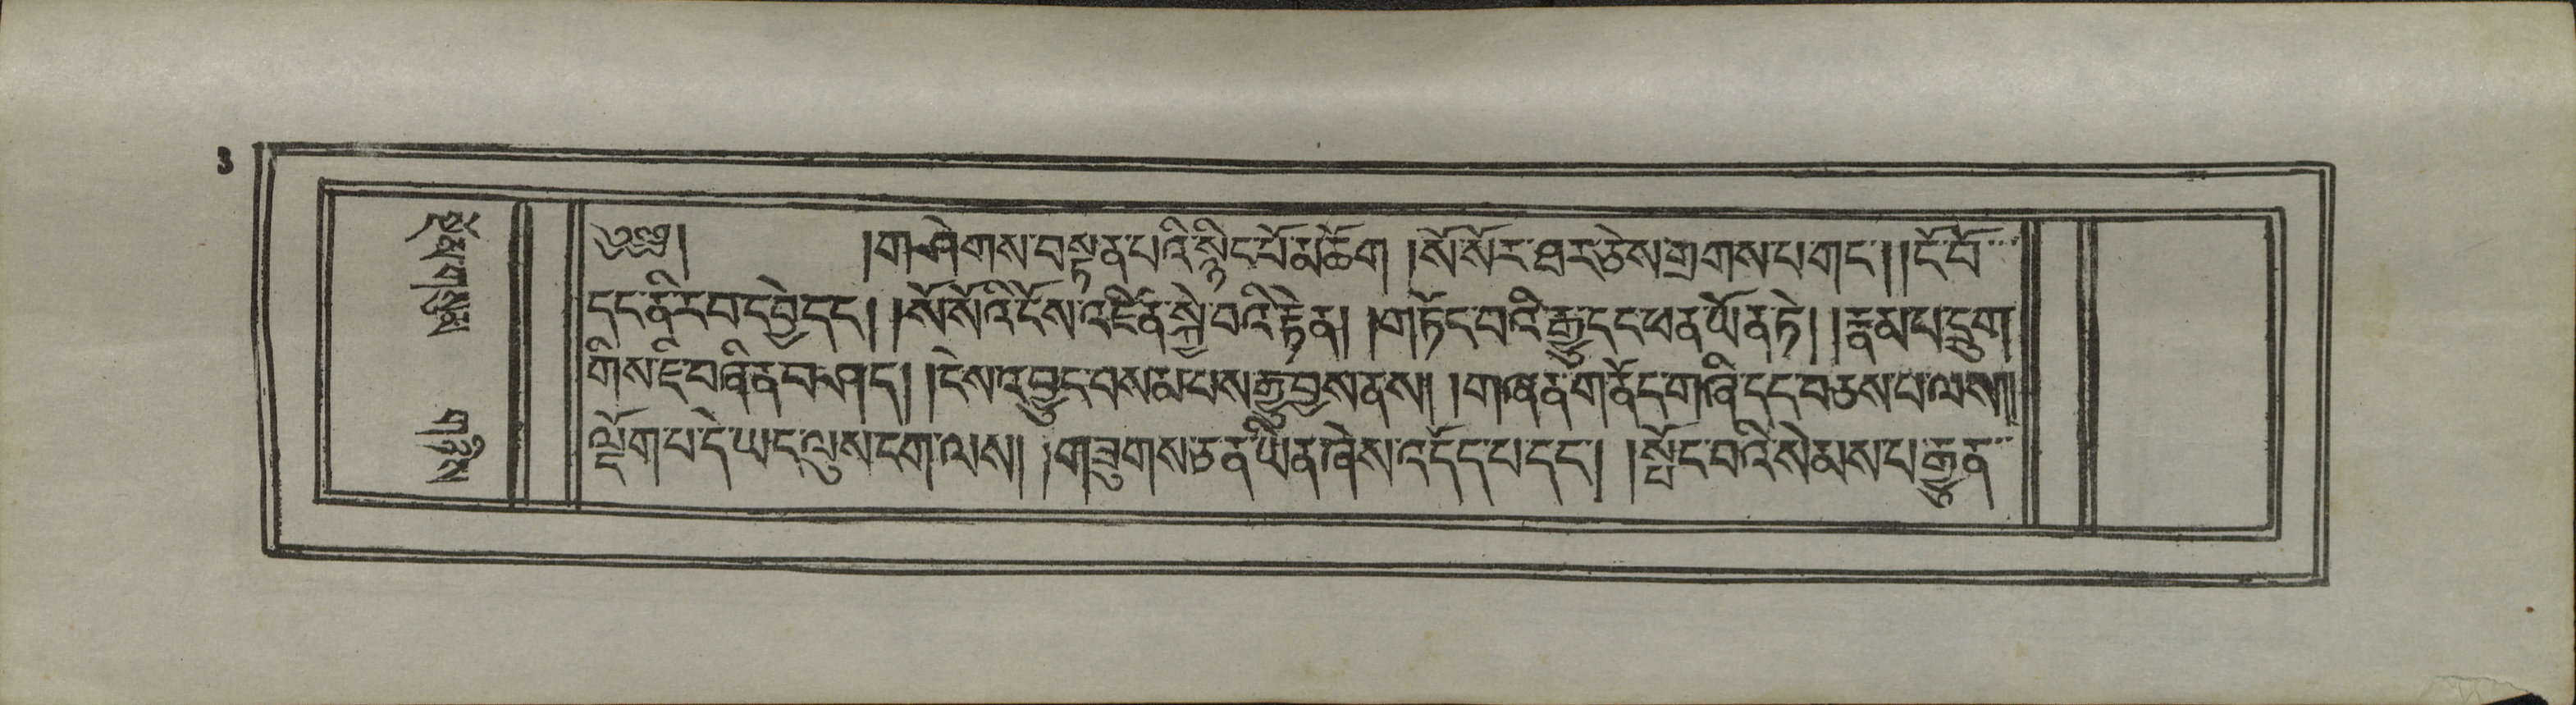༄༅༅། །གཤེགས་བསྟན་པའི་སྙིང་པོ་མཆོག །སོ་སོར་ཐར་ཅེས་གྲགས་པ་གང་། །ངོ་བོ་
དང་ནི་རབ་དབྱེ་དང་། །སོ་སོའི་ངོས་འཛིན་སྐྱེ་བའི་རྟེན། །གཏོང་བའི་རྒྱུ་དང་ཕན་ཡོན་ཏེ། །རྣམ་པ་དྲུག་
གིས་ཇི་བཞིན་བཤད། །ངེས་འབྱུང་བསམ་པས་རྒྱུ་བྱས་ནས། །གཞན་གནོད་གཞི་དང་བཅས་པ་ལས།།
ལྡོག་པ་དེ་ཡང་ལུས་ངག་ལས། །གཟུགས་ཅན་ཡིན་ཞེས་འདོད་པ་དང་། །སྤོང་བའི་སེམས་པ་རྒྱུན་